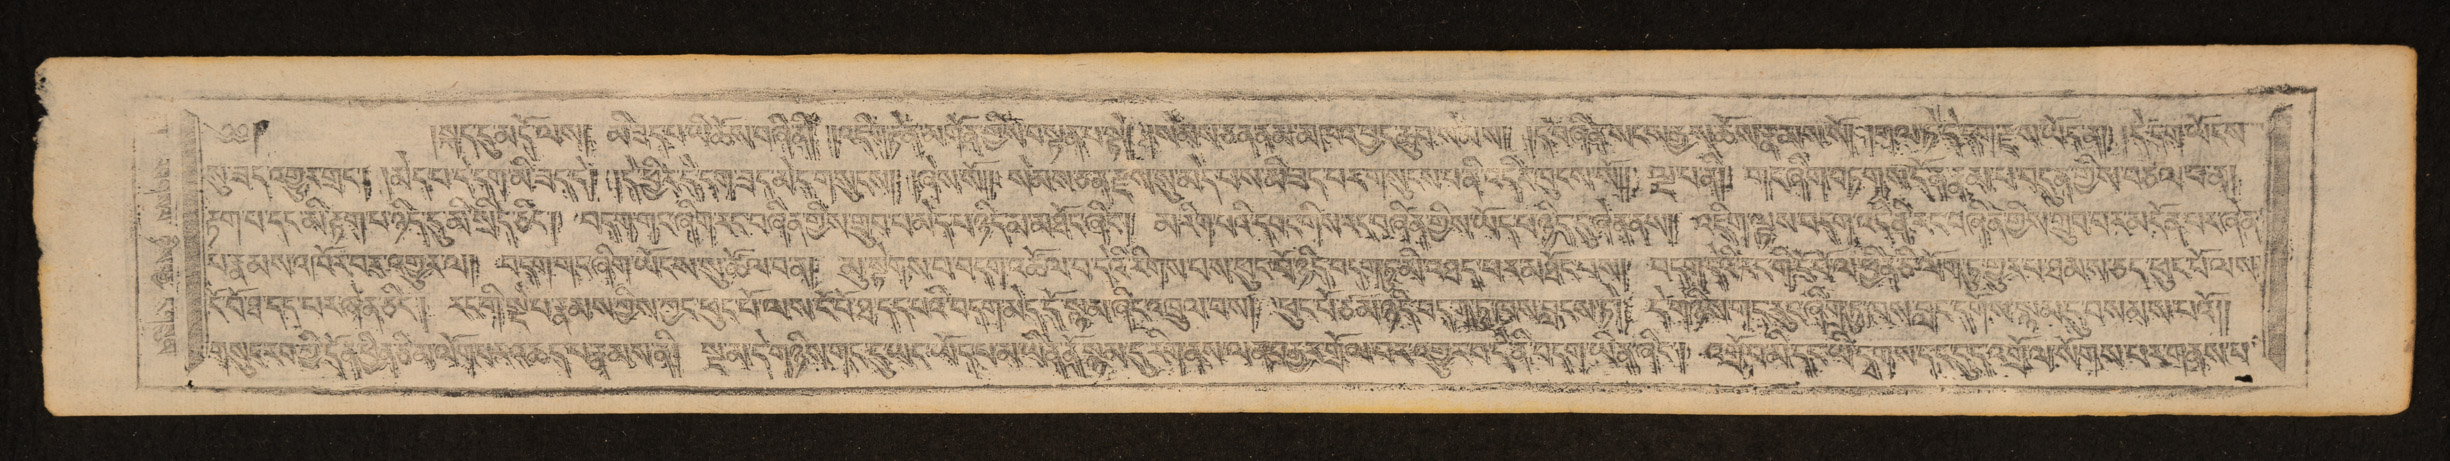༄༅། །སྐད་དུ་མདོ་ལས། མི་ཟད་པ་ཡི་ཆོས་བཞི་ནི། །འཇིག་རྟེན་མགོན་གྱིས་བསྟན་པ་སྟེ། །སེམས་ཅན་ནམ་མཁའ་བྱང་ཆུབ་སེམས། །དེ་བཞིན་སངས་རྒྱས་ཆོས་རྣམས་སོ། །གལ་ཏེ་དེ་དག་རྫས་ཡོད་ན། །དེ་དག་ཡོངས་
སུ་ཟད་འགྱུར་གྲང་། །མེད་པ་དེ་དག་མི་ཟད་དེ། །དེ་ཕྱིར་དེ་དག་ཟད་མེད་གསུངས། །ཞེས་སོ།། སེམས་ཅན་རྫས་སུ་མེད་པས་མི་ཟད་པར་གསུངས་པ་ནི་འདིར་ཁུངས་སོ།། ལྔ་པ་ནི། གང་ཞིག་བཏགས་དོན་རྣམ་པ་བདུན་གྱིས་བཙལ་བ་ན།
རྟག་པ་དང་མི་རྟག་པ་ཉིད་དུ་མི་སྲིད་ཅིང་། བདག་གང་ཞིག་རང་བཞིན་གྱིས་གྲུབ་པ་མེད་པ་ཉིད་མ་མཐོང་ཞིང་། མ་རིག་པའི་དབང་གིས་རང་བཞིན་གྱིས་ཡོད་པ་ཉིད་དུ་ཞེན་ནས། འཇིག་ལྟས་བདག་འདི་ནི་རང་བཞིན་གྱིས་གྲུབ་པར་མངོན་པར་ཞེན་
པ་རྣམས་འཁོར་བར་འགྱུར་ལ། བདག་གང་ཞིག་ཡོངས་སུ་ཚོལ་བ་ན། མུ་སྟེགས་པ་བདག་འཚོལ་བ་དེའི་རིགས་པས་ཕུང་པོ་ཉིད་བདག་ཏུ་མི་འཐད་པར་མཐོང་བས། བདག་དེའི་རང་གི་ངོ་བོ་ལ་ཕྱིན་ཅི་ལོག་ཏུ་གྱུར་པ་ཐམས་ཅད་ཕུང་པོ་ལས་
ངོ་བོ་ཐ་དད་པར་ཞེན་ཅིང་། རང་གི་སྡེ་པ་རྣམས་ཀྱིས་ཀྱང་ཕུང་པོ་ལས་ངོ་བོ་ཐ་དད་པའི་བདག་མེད་དོ་སྙམ་ཞིང་འཁྲུལ་བས། ཕུང་པོ་ཙམ་ཉིད་བདག་ཏུ་ཁས་བླངས་ཏེ། དེ་གཉིས་གང་རུང་ཞིག་ཏུ་ཁས་བླང་དགོས་སྙམ་དུ་བསམས་པའོ།།
གསུང་རབ་ཀྱི་དོན་ཕྱིན་ཅི་མ་ལོག་པར་འཆད་པ་རྣམས་ནི། སྔ་མ་དེ་གཉིས་གང་དུ་ཡང་ཡོད་པ་མ་ཡིན་ནོ་སྙམ་དུ་རིག་ནས་ལན་བརྒྱར་གྲོལ་བར་འགྱུར་བ་དེ་ནི་བདག་ཡིན་ཞིང་། འགྲོ་བ་མི་དང་ཡི་དྭགས་དང་དུད་འགྲོ་ལ་སོགས་པར་གནས་པ་